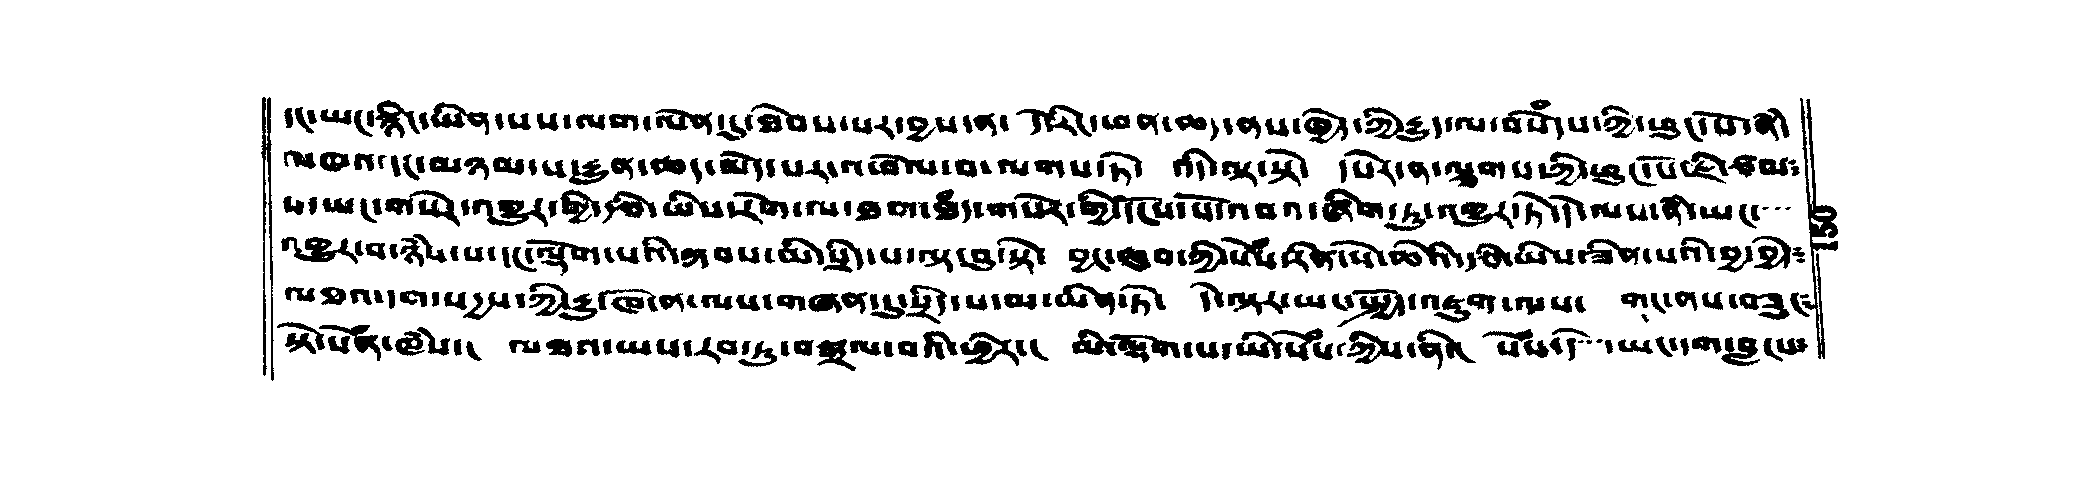དང་ཡང་སྙིང་ཡིན་པས་ལག་ལེན་དུ་ཐེབས་པར་བྱས་ན། དེ་རིང་ཕན་ཆད་ནས་ཁྱེད་ཀྱི་རྒྱུད་ལ་བསོད་ནམས་ཀྱི་ཕུང་པོ་ནམ་
མཁའ་དང་མཉམ་པ་རྒྱུན་ཆད་མེད་པར་འཕེལ་བ་ལགས་ཏེ། འདི་ལྟ་སྟེ། དཔེར་ན་ལྕགས་ཀྱི་ཕུང་པོ་ཇི་ཙམ་
པ་ཡང་གསེར་འགྱུར་གྱི་རྩི་ཡིས་རེག་མ་ཐག་ཐམས་ཅད་གསེར་གྱི་དངོས་པོ་འབའ་ཞིག་ཏུ་འགྱུར་ཏེ་དེ་ལས་ནམ་ཡང་
འགྱུར་བ་ཉམས་པ་དང་ལྡོག་པའི་སྐབས་མི་སྲིད་པ་ལྟ་བུ་སྟེ། བྱང་ཆུབ་ཀྱི་སེམས་རིན་པོ་ཆེའི་རྩི་ཡིས་ཟིན་པའི་བྱ་བྱེད་
མཐའ་དག་སངས་རྒྱས་ཀྱི་རྒྱུ་ཁོ་ན་ལས་གཞན་དུ་སྲིད་པ་མ་ཡིན་ཏེ། དེ་ལྟར་ཡང་སྤྱོད་འཇུག་ལས། གང་ནས་བཟུང་
སྟེ་སེམས་ཅན་ཁམས། མཐའ་ཡས་རབ་ཏུ་བསྒྲལ་བའི་ཕྱིར། མི་ལྡོག་པ་ཡི་སེམས་ཀྱི་ནི། སེམས་དེ་ཡང་དག་བླངས་